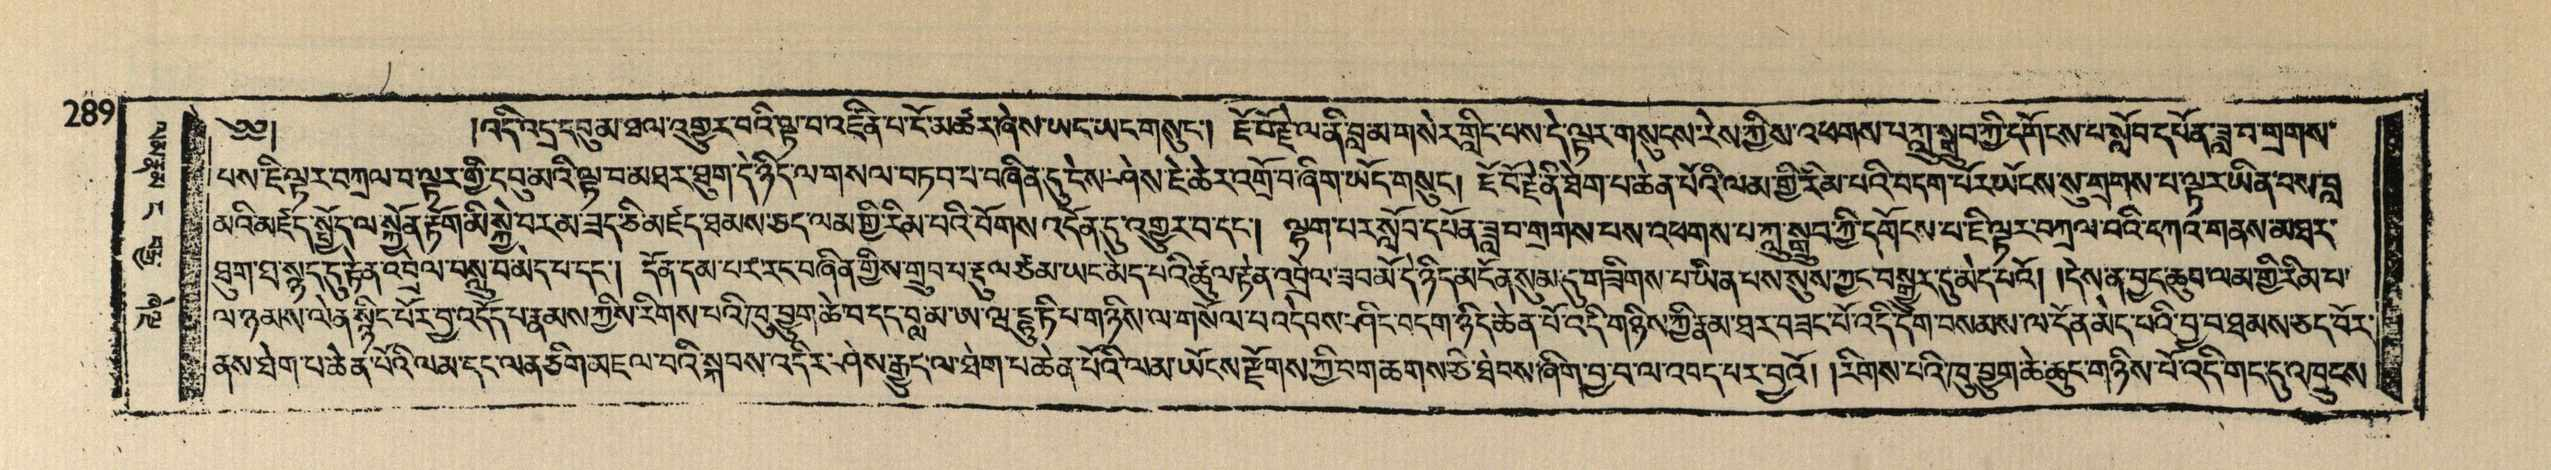༄༅། །འདི་འདྲ་དབུ་མ་ཐལ་འགྱུར་བའི་ལྟ་བ་འཛིན་པ་ངོ་མཚར་ཞེས་ཡང་ཡང་གསུང་། ཇོ་བོ་རྗེ་ལ་ནི་བླ་མ་གསེར་གླིང་པས་དེ་ལྟར་གསུངས་རེས་ཀྱིས་འཕགས་པ་ཀླུ་སྒྲུབ་ཀྱི་དགོངས་པ་སློབ་དཔོན་ཟླ་བ་གྲགས་
པས་ཇི་ལྟར་བཀྲལ་བ་ལྟར་གྱི་དབུ་མའི་ལྟ་བ་མཐར་ཐུག་དེ་ཉིད་ལ་གསལ་བཏབ་པ་བཞིན་དུ་ངེས་ཤེས་ཇེ་ཆེར་འགྲོ་བ་ཞིག་ཡོད་གསུང་། ཇོ་བོ་རྗེ་ནི་ཐེག་པ་ཆེན་པོའི་ལམ་གྱི་རིམ་པའི་བདག་པོར་ཡོངས་སུ་གྲགས་པ་ལྟར་ཡིན་བས་བླ་
མའི་མཛད་སྤྱོད་ལ་སྐྱོན་རྟོག་མི་སྐྱེ་བར་མ་ཟད་ཅི་མཛད་ཐམས་ཅད་ལམ་གྱི་རིམ་པའི་བོགས་འདོན་དུ་འགྱུར་བ་དང་། ལྷག་པར་སློབ་དཔོན་ཟླ་བ་གྲགས་པས་འཕགས་པ་ཀླུ་སྒྲུབ་ཀྱི་དགོངས་པ་ཇི་ལྟར་བཀྲལ་བའི་དཀའ་གནས་མཐར་
ཐུག་ཐ་སྙད་དུ་རྟེན་འབྲེལ་བསླུ་བ་མེད་པ་དང་། དོན་དམ་པར་རང་བཞིན་གྱིས་གྲུབ་པ་རྡུལ་ཙམ་ཡང་མེད་པའི་ཚུལ་རྟེན་འབྲེལ་ཟབ་མོ་དེ་ཉིད་མངོན་སུམ་དུ་གཟིགས་པ་ཡིན་པས་སུས་ཀྱང་བསྒྱུར་དུ་མེད་པའོ། །དེས་ན་བྱང་ཆུབ་ལམ་གྱི་རིམ་པ་
ལ་ཉམས་ལེན་སྙིང་པོར་བྱ་འདོད་པ་རྣམས་ཀྱིས་རིགས་པའི་ཁུ་བྱུག་ཆེ་བ་དང་བླ་མ་ཨ་ཝ་དྷུ་ཏི་པ་གཉིས་ལ་གསོལ་པ་འདེབས་ཤིང་བདག་ཉིད་ཆེན་པོ་འདི་གཉིས་ཀྱི་རྣམ་ཐར་བཟང་པོ་འདི་དག་བསམས་ལ་དོན་མེད་པའི་བྱ་བ་ཐམས་ཅད་བོར་
ནས་ཐེག་པ་ཆེན་པོའི་ལམ་དང་ལན་ཅིག་མཇལ་བའི་སྐབས་འདིར་ཤེས་རྒྱུད་ལ་ཐེག་པ་ཆེན་པོའི་ལམ་ཡོངས་རྫོགས་ཀྱི་བག་ཆགས་ཅི་ཐེབས་ཞིག་བྱ་བ་ལ་འབད་པར་བྱའོ། །རིགས་པའི་ཁུ་བྱུག་ཆེ་ཆུང་གཉིས་པོ་འདི་གང་དུ་འཁྲུངས་